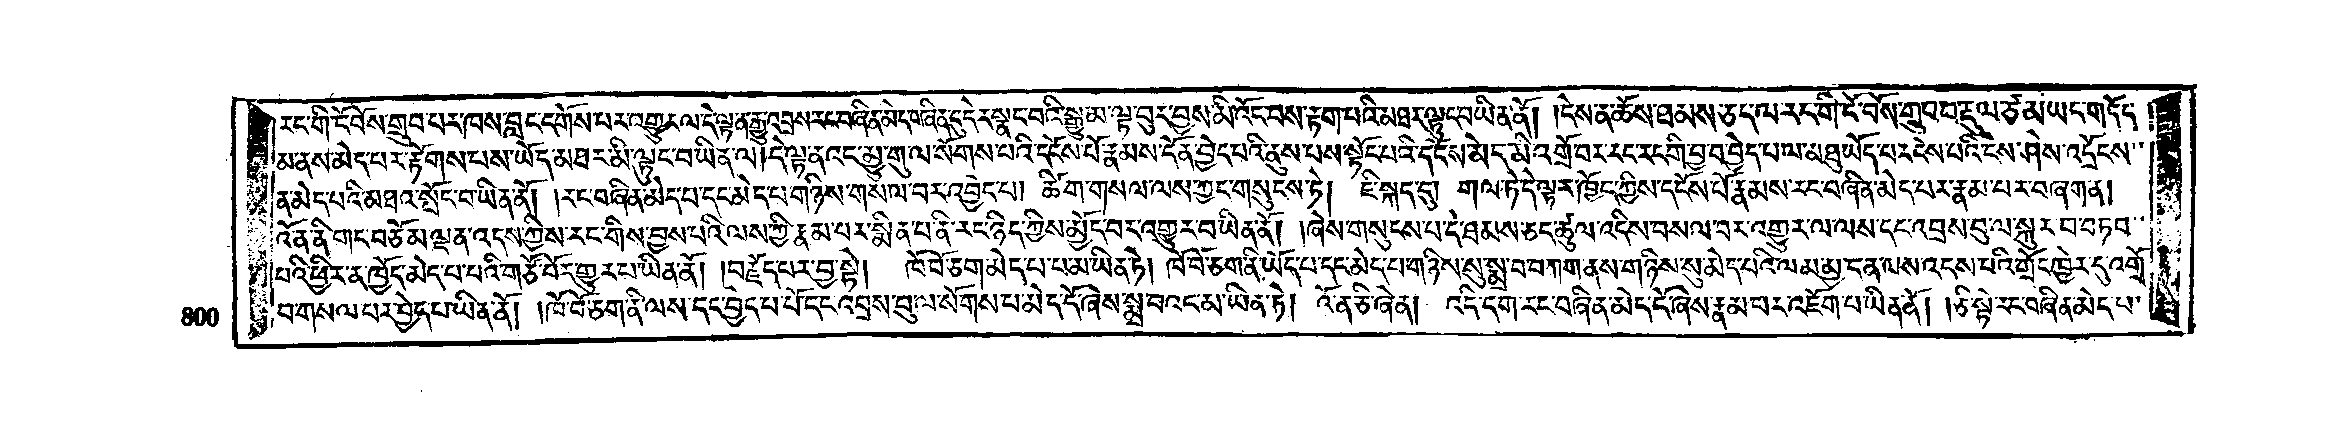རང་གི་ངོ་བོས་གྲུབ་པར་ཁས་བླང་དགོས་པར་འགྱུར་ལ་དེ་ལྟ་ན་རྒྱུ་འབྲས་རང་བཞིན་མེད་བཞིན་དུ་དེར་སྣང་བའི་སྒྱུ་མ་ལྟ་བུར་བྱས་མི་འོང་བས་རྟག་པའི་མཐར་ལྟུང་བ་ཡིན་ནོ། །དེས་ན་ཆོས་ཐམས་ཅད་ལ་རང་གི་ངོ་བོས་གྲུབ་པ་རྡུལ་ཙམ་ཡང་གདོད་
མ་ནས་མེད་པར་རྟོགས་པས་ཡོད་མཐར་མི་ལྟུང་བ་ཡིན་ལ། དེ་ལྟ་ནའང་མྱུ་གུ་ལ་སོགས་པའི་དངོས་པོ་རྣམས་དོན་བྱེད་པའི་ནུས་པས་སྟོང་བའི་དངོས་མེད་དུ་མི་འགྲོ་བར་རང་རང་གི་བྱ་བ་བྱེད་པ་ལ་མཐུ་ཡོད་པར་ངེས་པའི་ངེས་ཤེས་འདྲོངས་
ན་མེད་པའི་མཐའ་སྤོང་བ་ཡིན་ནོ། །རང་བཞིན་མེད་པ་དང་མེད་པ་གཉིས་གསལ་བར་འབྱེད་པ། ཚིག་གསལ་ལས་ཀྱང་གསུངས་ཏེ། ཇི་སྐད་དུ། གལ་ཏེ་དེ་ལྟར་ཁྱོད་ཀྱིས་དངོས་པོ་རྣམས་རང་བཞིན་མེད་པར་རྣམ་པར་བཞག་ན།
འོ་ན་ནི་གང་བཅོམ་ལྡན་འདས་ཀྱིས་རང་གི་བྱས་པའི་ལས་ཀྱི་རྣམ་པར་སྨིན་པ་ནི་རང་ཉིད་ཀྱིས་མྱོང་བར་འགྱུར་བ་ཡིན་ནོ། །ཞེས་གསུངས་པ་དེ་ཐམས་ཅད་ཚུལ་འདིས་བསལ་བར་འགྱུར་ལ་ལས་དང་འབྲས་བུ་ལ་སྐུར་པ་བཏབ་
པའི་ཕྱིར་ན་ཁྱོད་མེད་པ་པའི་གཙོ་བོར་གྱུར་པ་ཡིན་ནོ། །བརྗོད་པར་བྱ་སྟེ། ཁོ་བོ་ཅག་མེད་པ་པ་མ་ཡིན་ཏེ། ཁོ་བོ་ཅག་ནི་ཡོད་པ་དང་མེད་པ་གཉིས་སུ་སྨྲ་བ་བཀག་ནས་གཉིས་སུ་མེད་པའི་ལམ་མྱ་ངན་ལས་འདས་པའི་གྲོང་ཁྱེར་དུ་འགྲོ་
བ་གསལ་བར་བྱེད་པ་ཡིན་ནོ། །ཁོ་བོ་ཅག་ནི་ལས་དང་བྱེད་པ་པོ་དང་འབྲས་བུ་ལ་སོགས་པ་མེད་དོ་ཞེས་སྨྲ་བའང་མ་ཡིན་ཏེ། འོ་ན་ཅི་ཞེ་ན། འདི་དག་རང་བཞིན་མེད་དོ་ཞེས་རྣམ་པར་འཇོག་པ་ཡིན་ནོ། །ཅི་སྟེ་རང་བཞིན་མེད་པ་